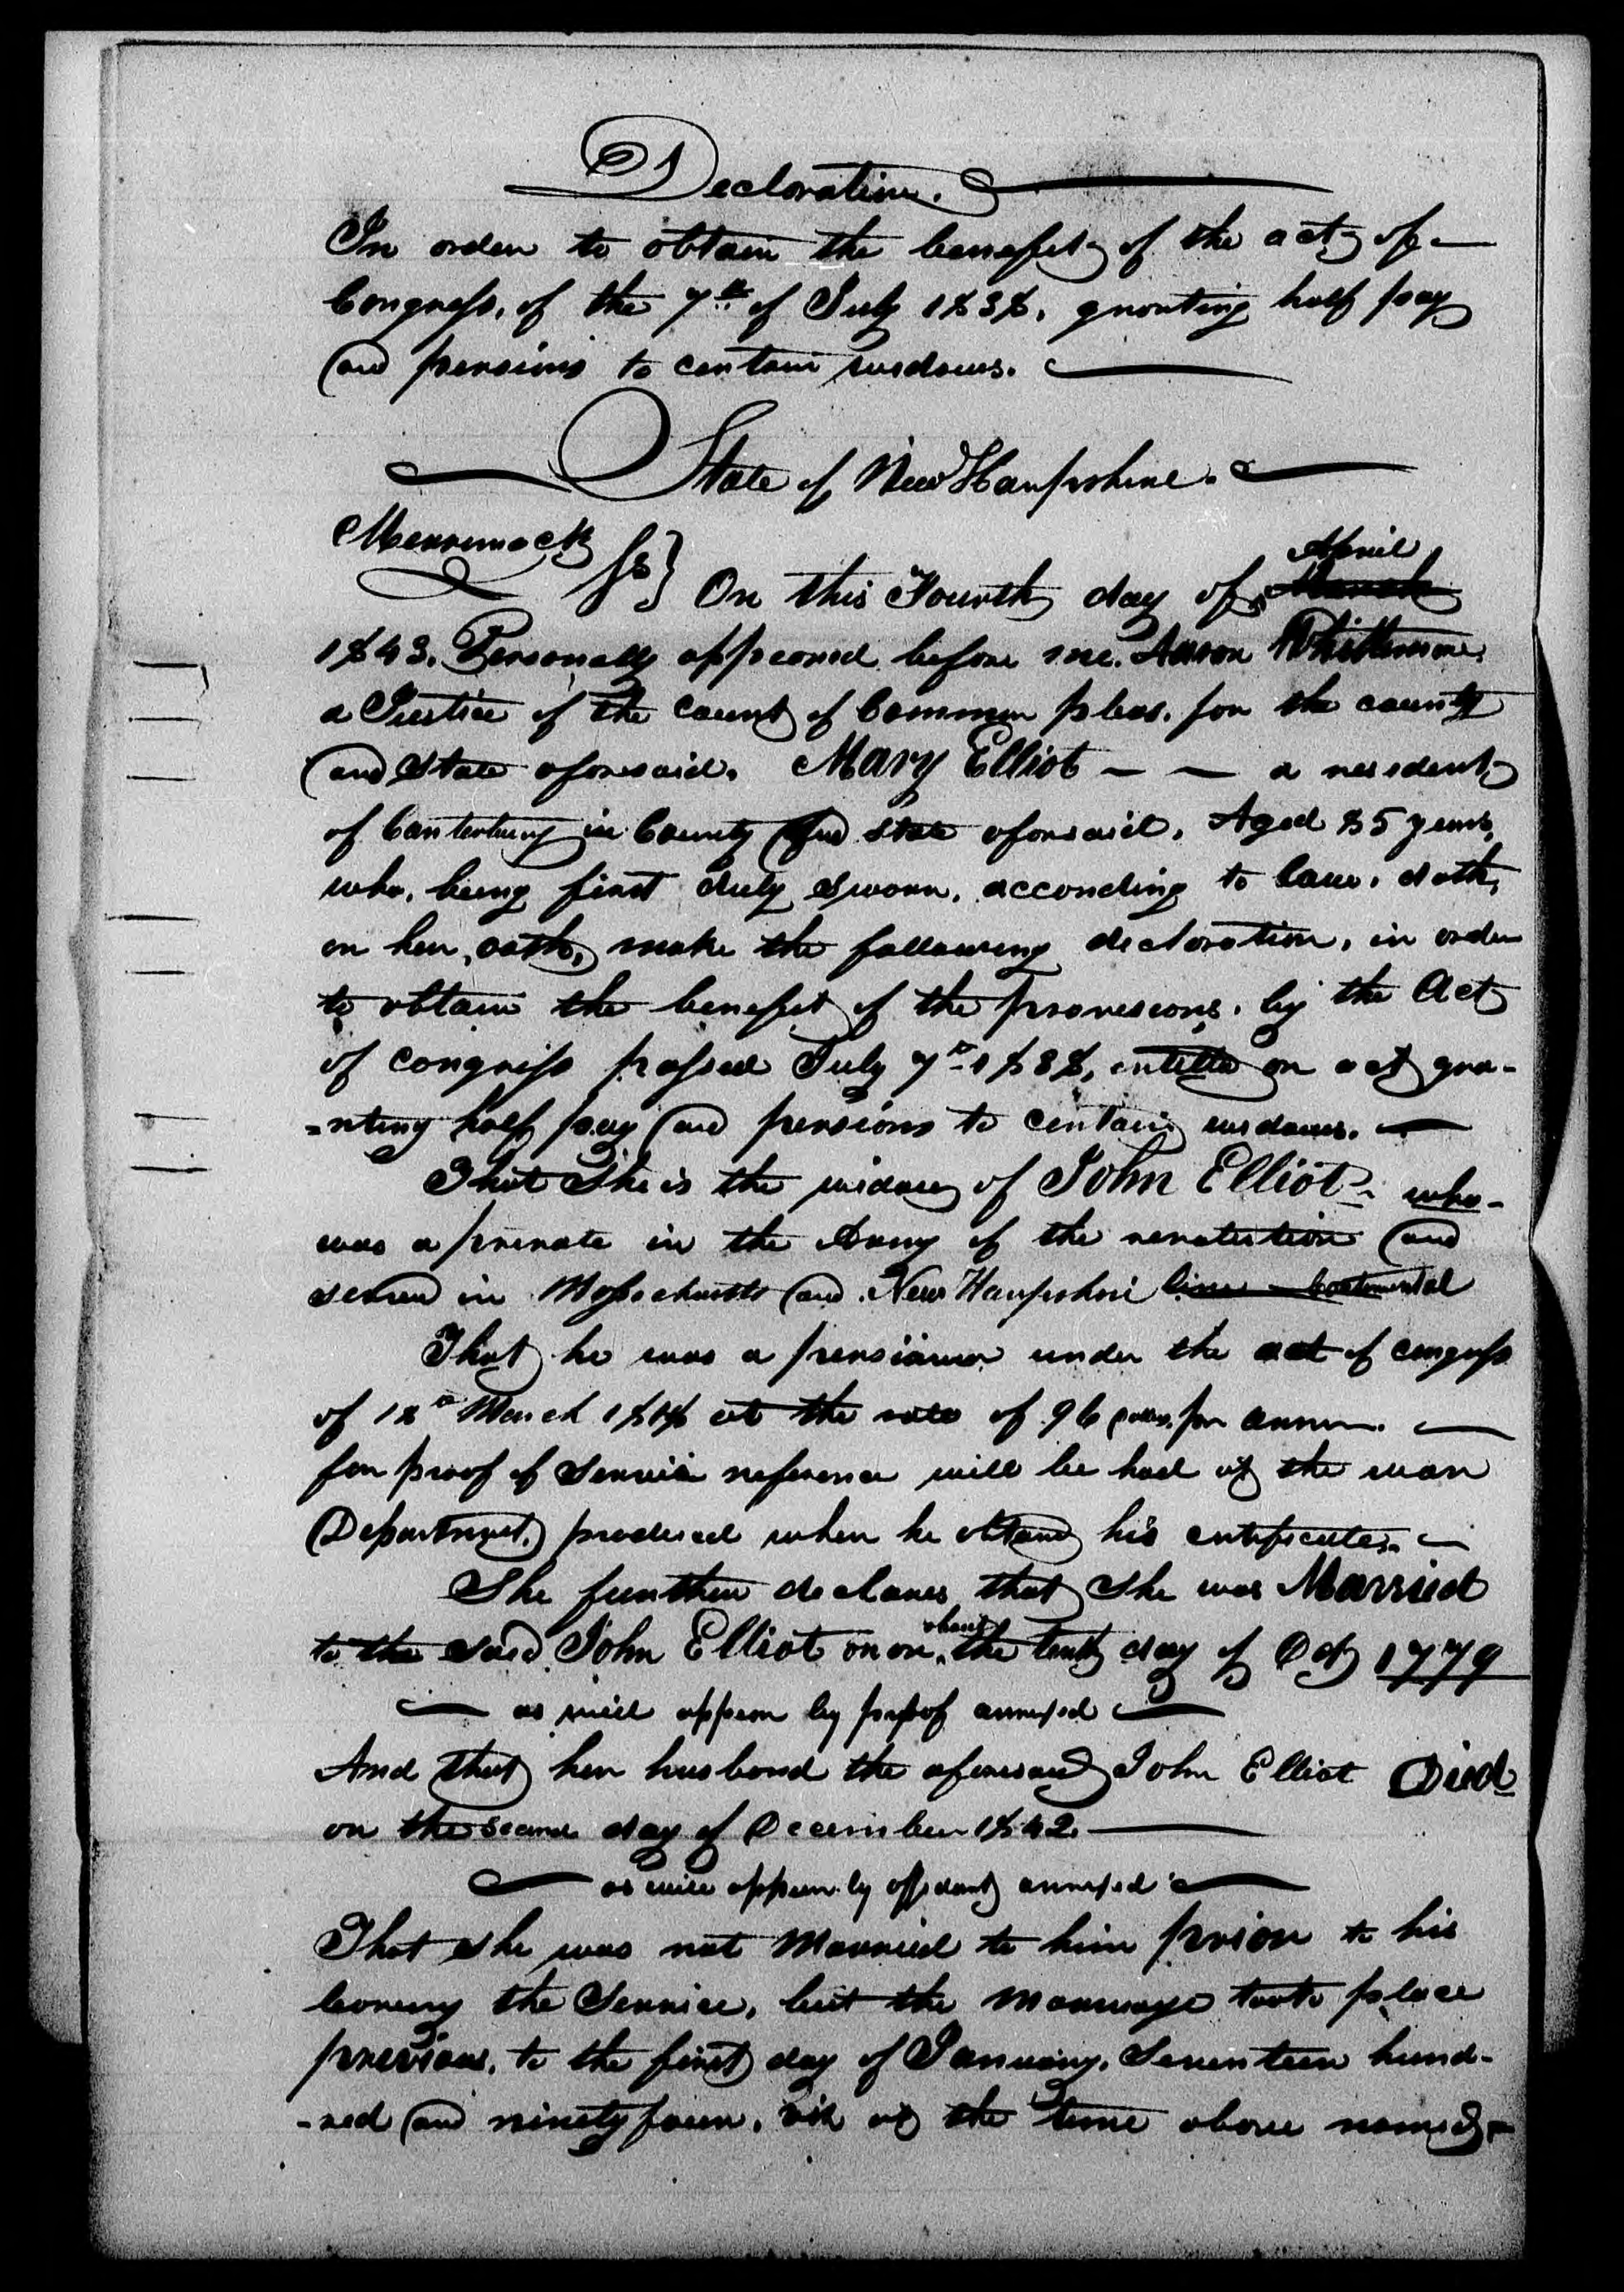Declaration
In order to obtain the benefit of the act of
Congress of the 7th of July 1838, granting half pay and pensions to contain widows.

State of New Hampshire
Merrimack SS
On this Fourth day of April 1843. Personally appeared before me Aaron Whittemore
Justice of the Court of Common pleas for the County and State aforesaid, Mary Elliott a resident of Canterbury in County and State aforesaid, aged 85 years who being first duly sworn, according to law, doth on her oath, make the following declaration, in order
to obtain the benefit of the provisions by the Act of Congress passed July 7th 1838, entitled an act granting half pay and pensions to certain widows.
That she is the widow of John Elliot who
was a private in the Army of the revolution and served in Massachusetts and New Hampshire line Continental
That he was a pensioner under the act of Congress of 18th March 1818 at the rate of 96 
[illegible] per annum - for proof of Service reference will be had at the war Department, produced when he obtained his certificates
She further declares that she was married
to the said John Elliot on or about the tenth day of Oct 1779
as will appear by paper annexed
And that her husband the aforesaid John Elliot Died
on the second day of December 1842
as will appear by affidavit annexed
That she was not married to him prior to his leaving the service, but the marriage took place previous to the first day of January Seventeen hundred and ninety four, viz at the time above named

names: John Elliot, John Elliot, Mary Elliot, John Elliot, Aaron Whittemore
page: 14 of 57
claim: widow's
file: W. 16,114, John Elliot, Continental (Mass) N.H.